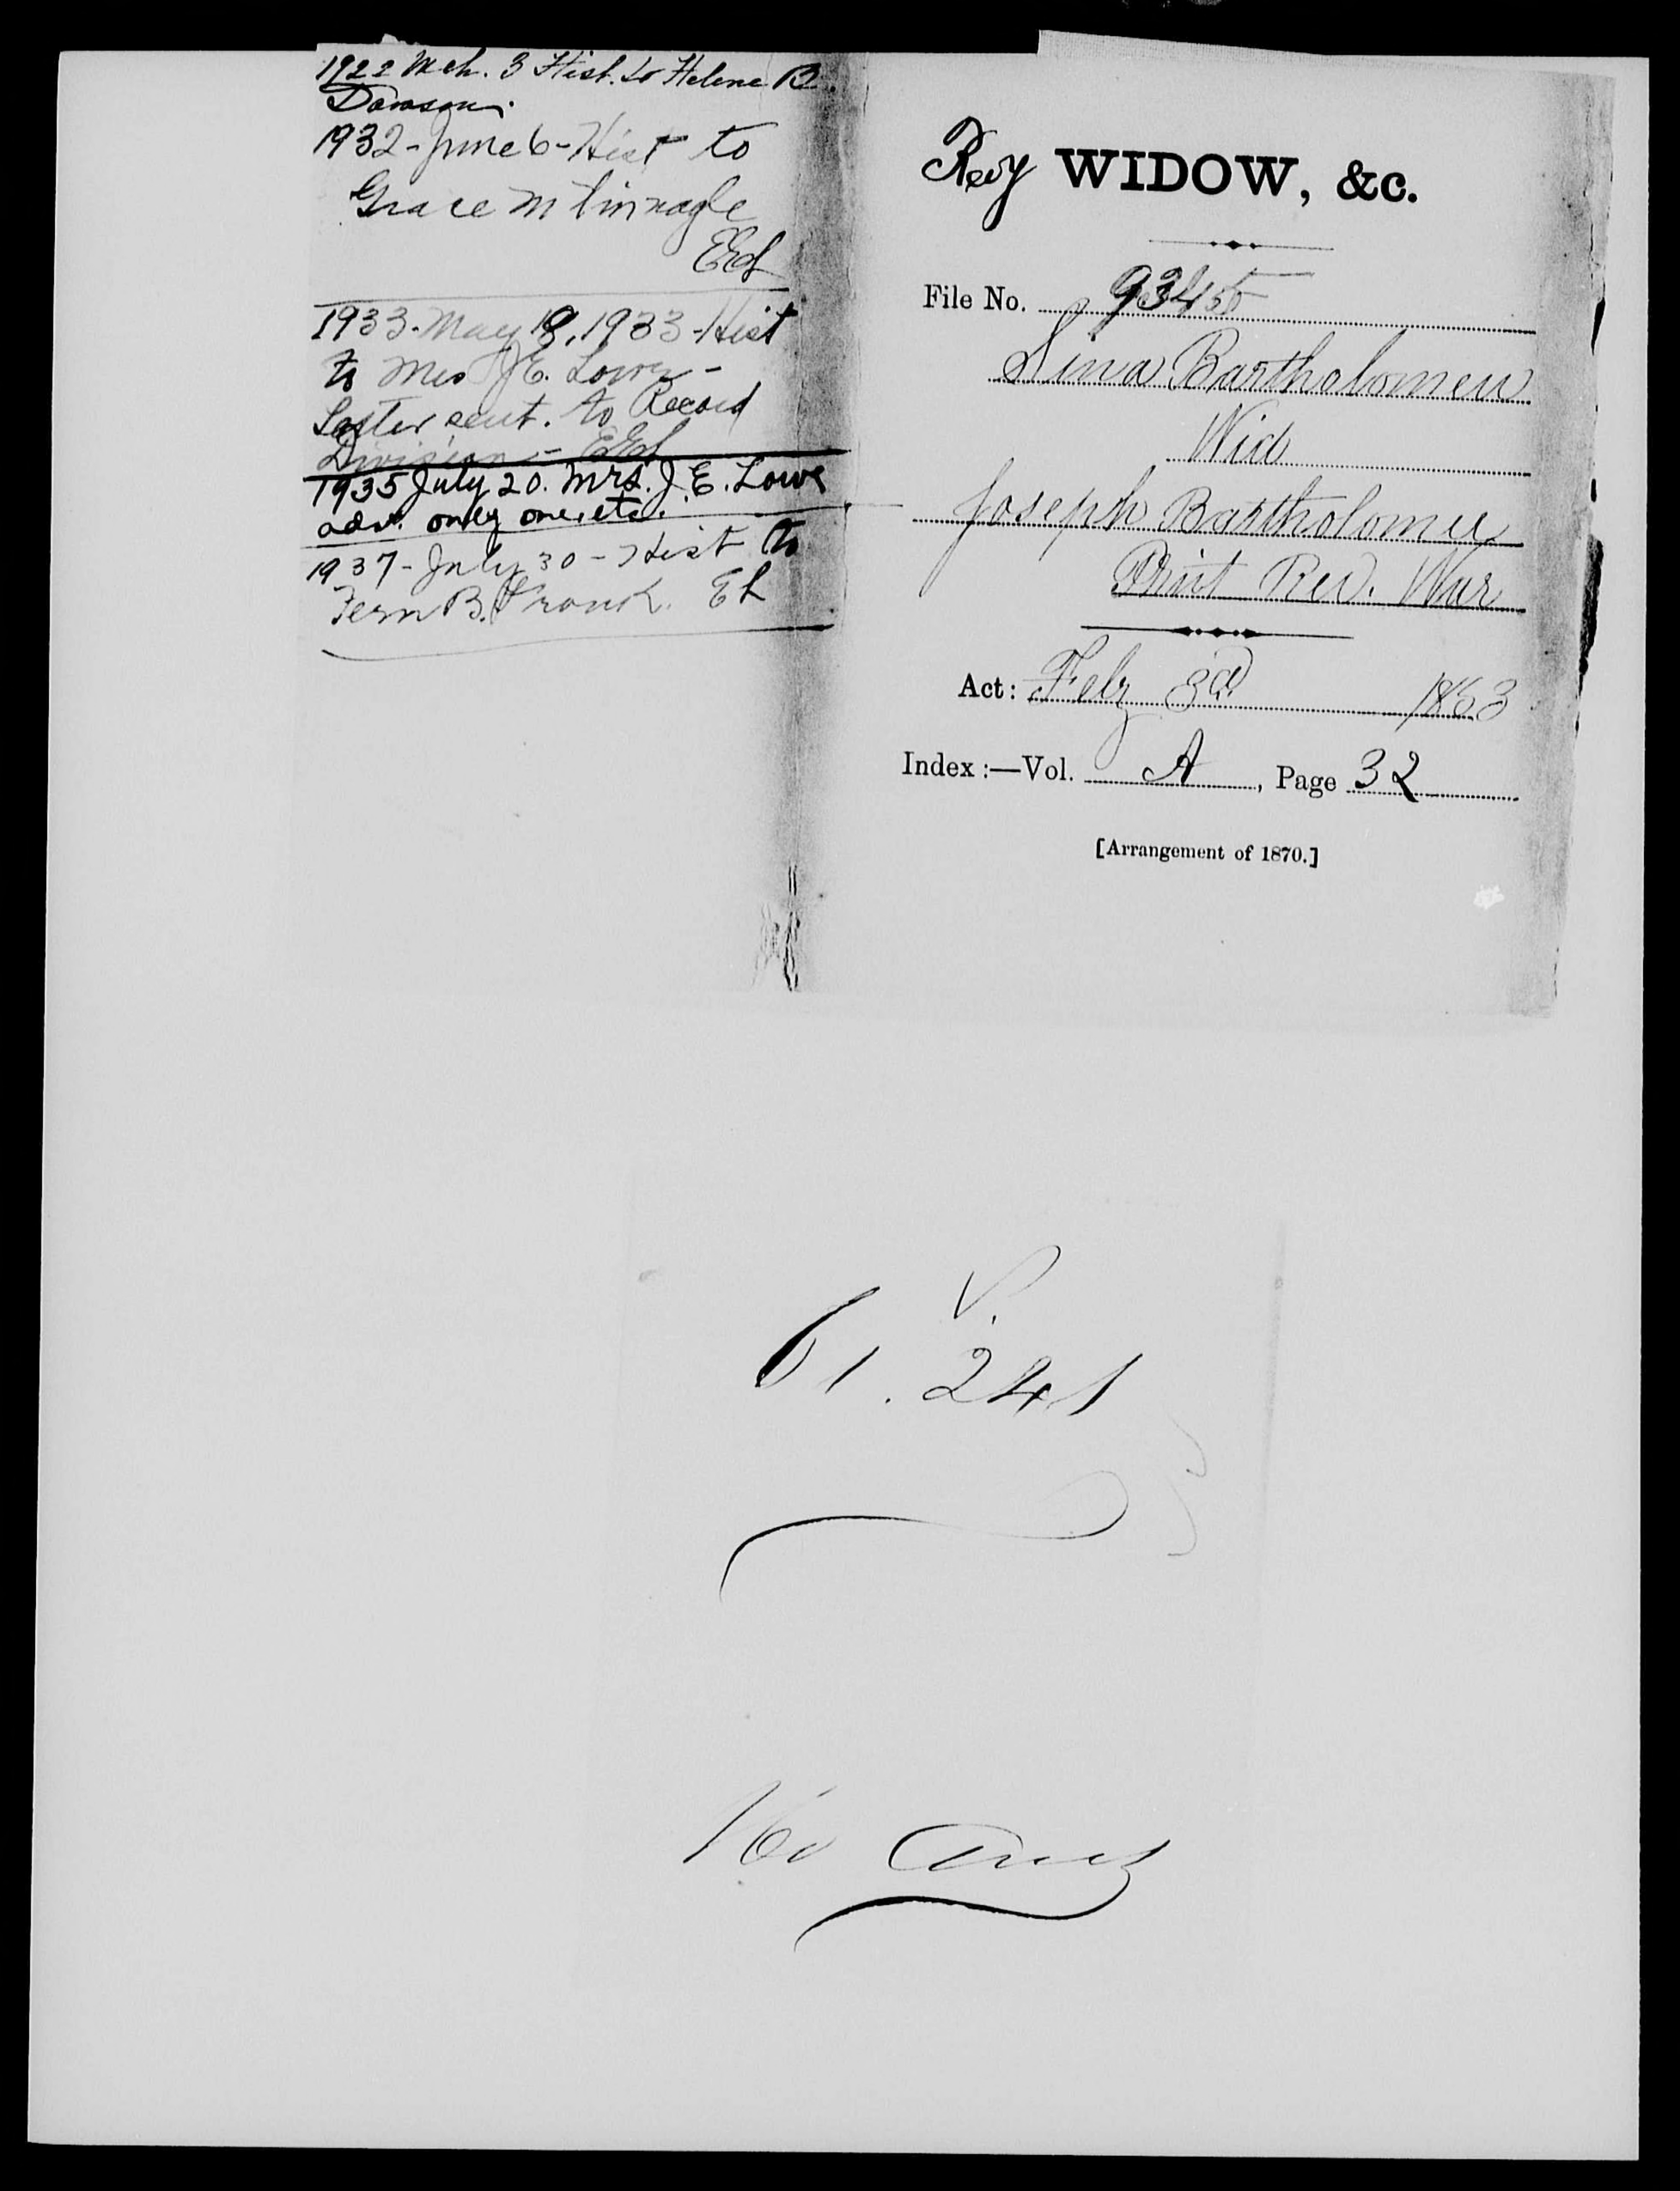[Left side of page}

1922 Mch. 3 Hist to Helene
Dawson
1932 - June 6 - Hist to Grace Minnagle
EEL
______________________
1933 May 18, 1933 - Hist to Mrs JE Long
Letter sent to Record Division - EEL
_______________________
1935 July 20.  Mrs. JE Lowe 
adv. only once etc.
_____________________
1937 - July 30. Hist to Fern B. Frank 
EL


[Right side of page]

Revy WIDOW, &c.
__________________
File No. 93455
Sina Bartholomew
Wid
Joseph Bartholomew
Privt Rev. War
_______________

Act: Feb 3d 1853
Index: -- Vol. A, Page 32

[Arrangement of 1870.]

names: Fern B Fronk, J E Lowe, Helene B Dawson, Joseph Bartholomew, Grace M Winnagle, J E Lowe, Sina Bartholomew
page: 20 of 76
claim: widow's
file: W. 9345, Joseph Bartholomew, Conn.